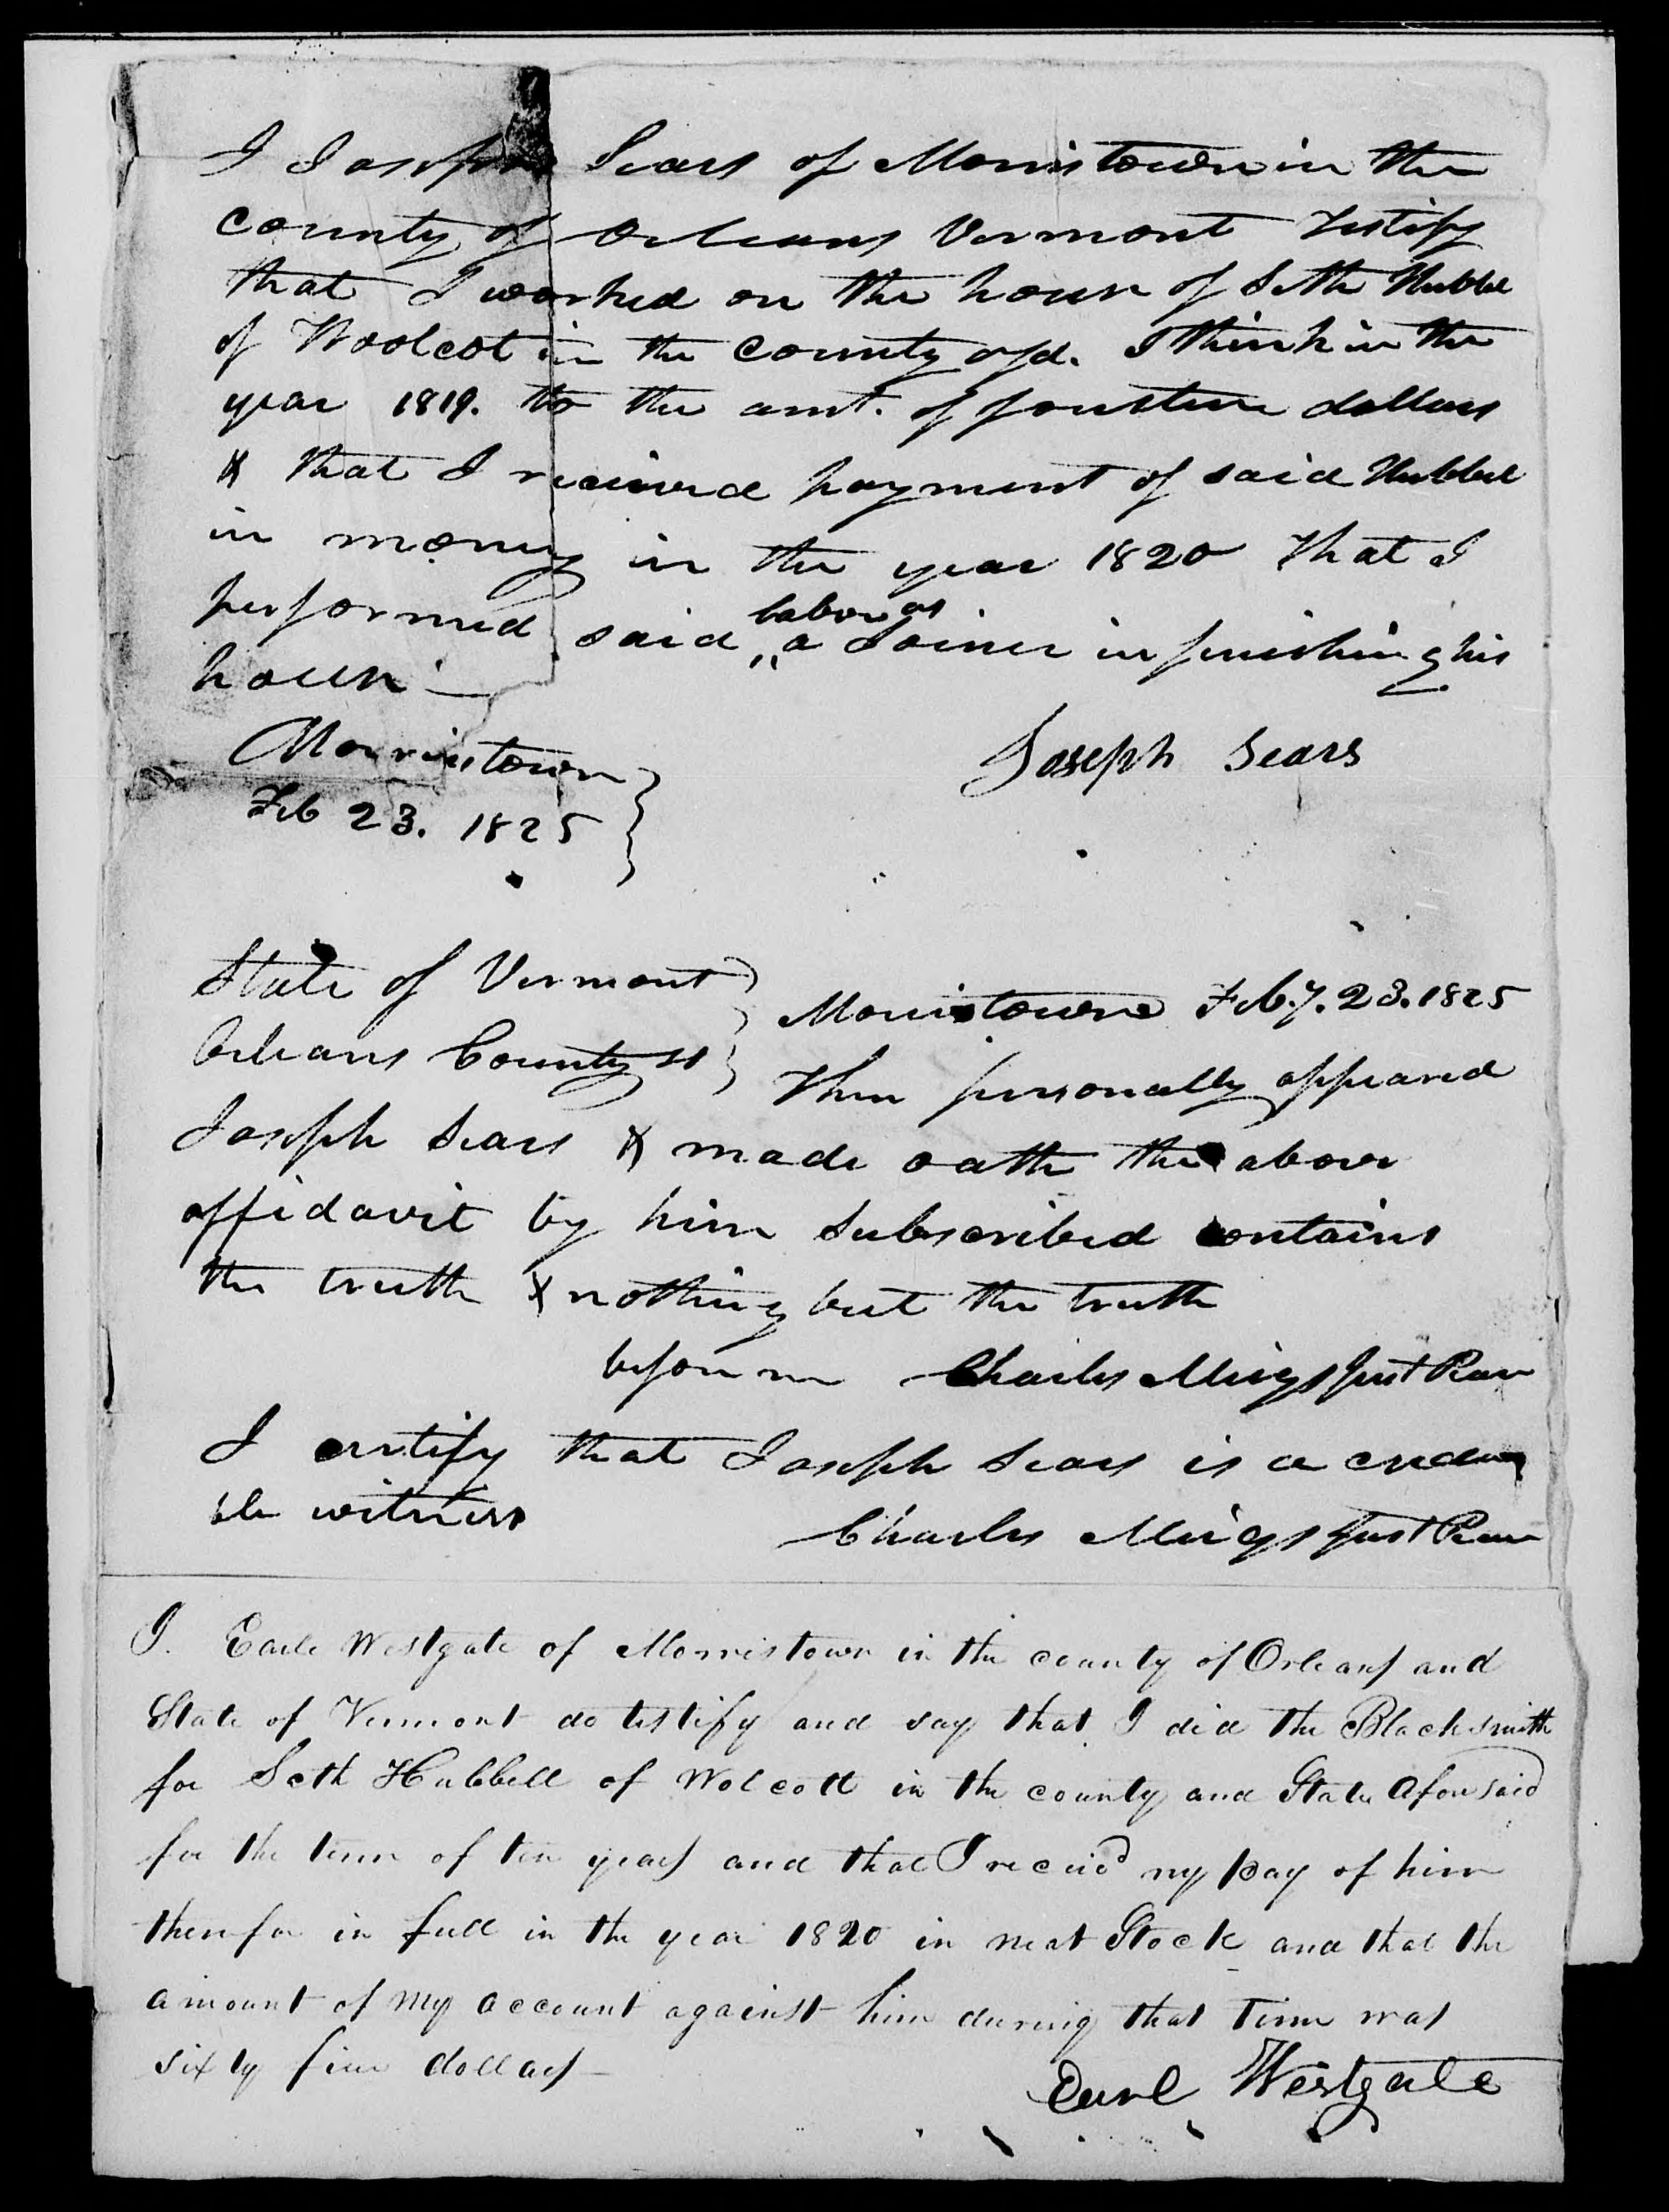I Joseph Sears of Morristown in the County of Orleans Vermont testify that I worked on the house of Seth Hubble [Hubbell] of Woolcot [Wolcott] in the county of [illegible]. I think in the year 1819. to the amt. of fourteen dollars and that I received payment of said Hubbel in money in the year 1820 that I performed said labor of a joiner in furnishing his house.
Morristown
Feb 23, 1825
Joseph Sears

State of Vermont
Orleans County [illegible]
Morristown Feby.23.1825
Then personally appeared Joseph Sears and made oath the above affidavit by him subscribed contains the truth and nothing but the truth before me Charles Meigs Just Peace

I certify that Joseph Sears in a credible witness
Charles Meigs Just Peace

I Earl Westgate of Morristown in the county of Orleans and State of Vermont do testify and say that I did the Blacksmith for Seth Hubbell of Wolcott in the county and State aforesaid for the time of ten years and that I received my pay of him therefor in full in the year 1820 in neat Stock and that the amount of my account against him during that time was sixty five dollars
Earl Westgate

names: Hubbel, Joseph Sears, Charles Meigs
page: 103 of 114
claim: widow's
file: W. 2115, Seth Hubbell, Conn.